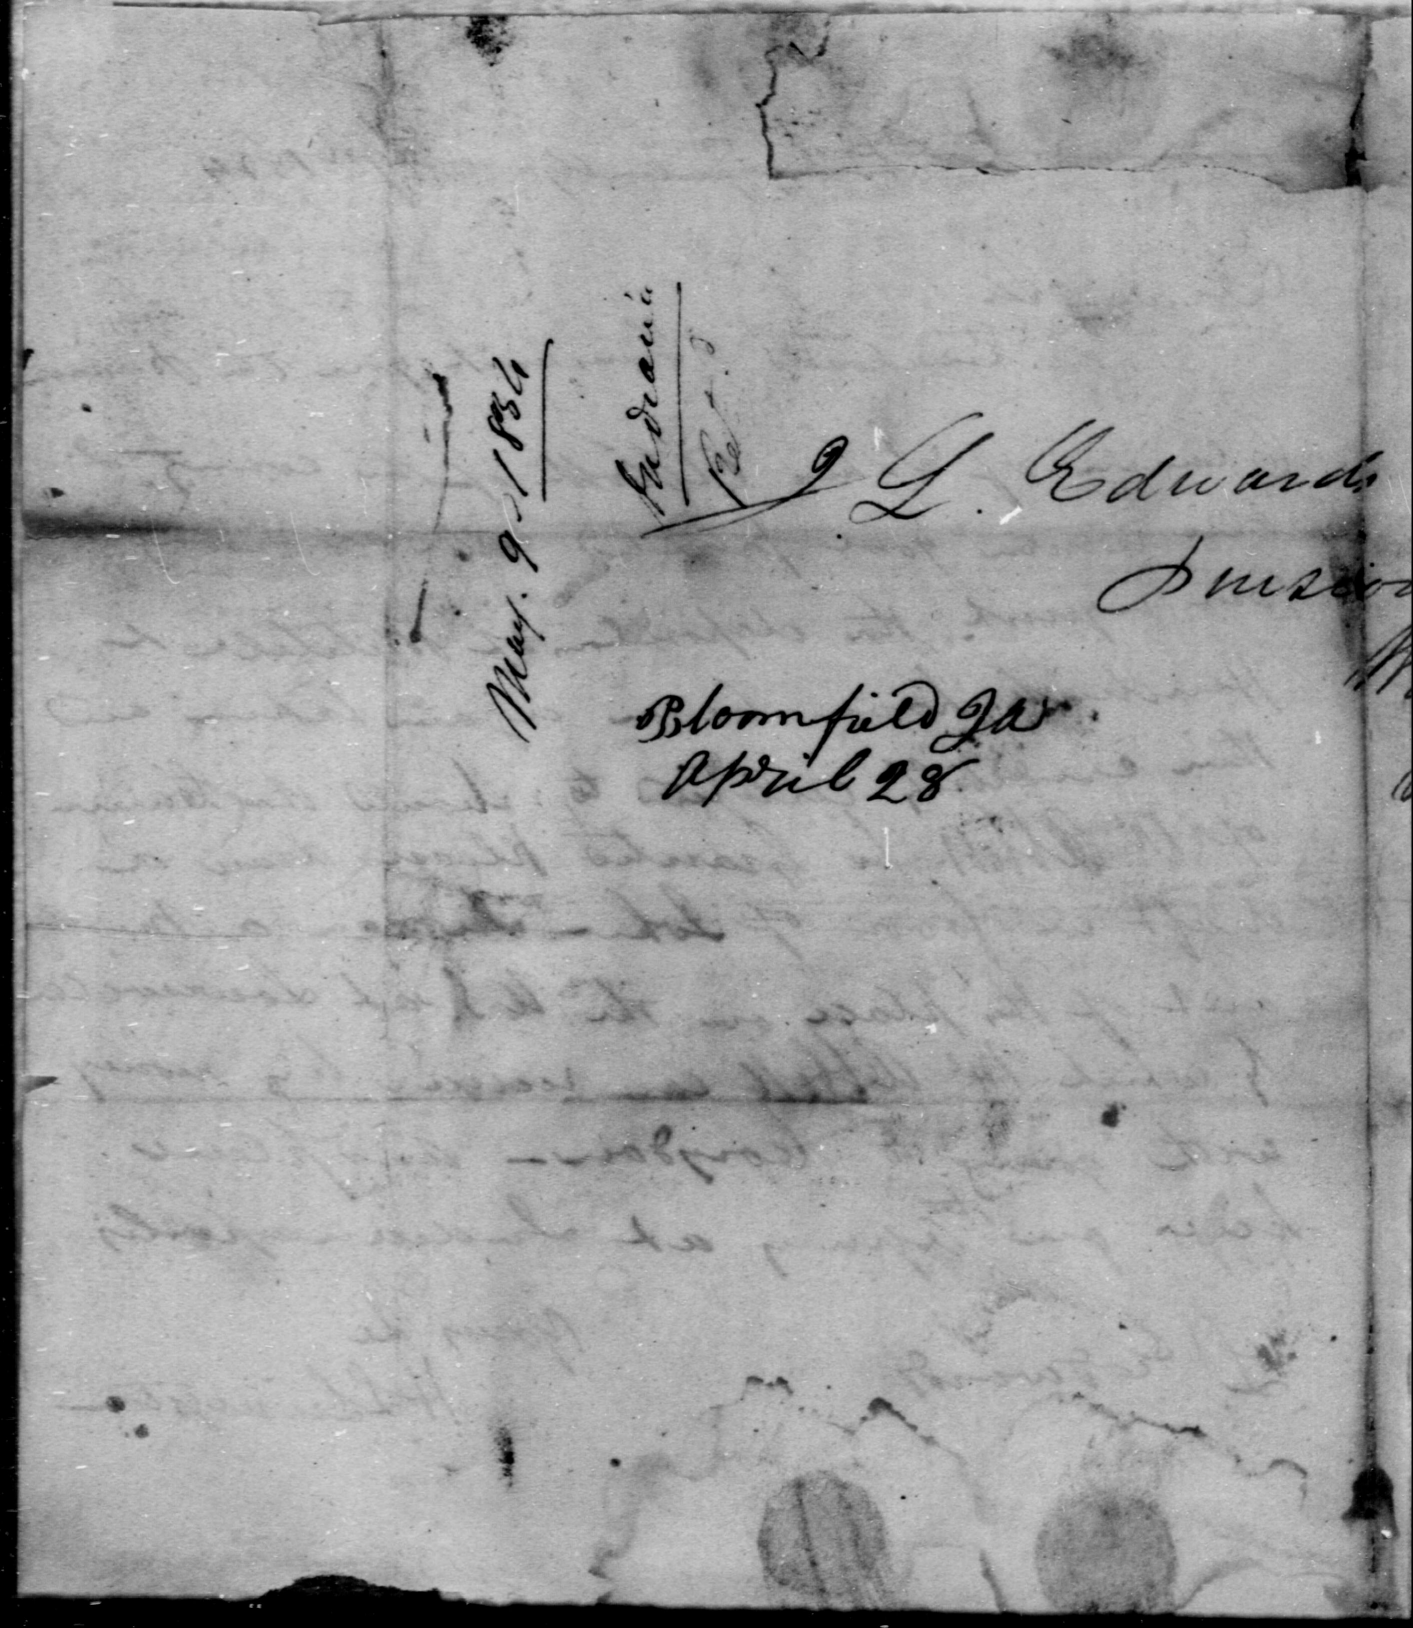May 9, 1836

Bloomfield
April 28
-
J L. Edwards
pension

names: J L Edwards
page: 14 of 35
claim: survivor's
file: S. 32089, John Abbott, Continental N. C.